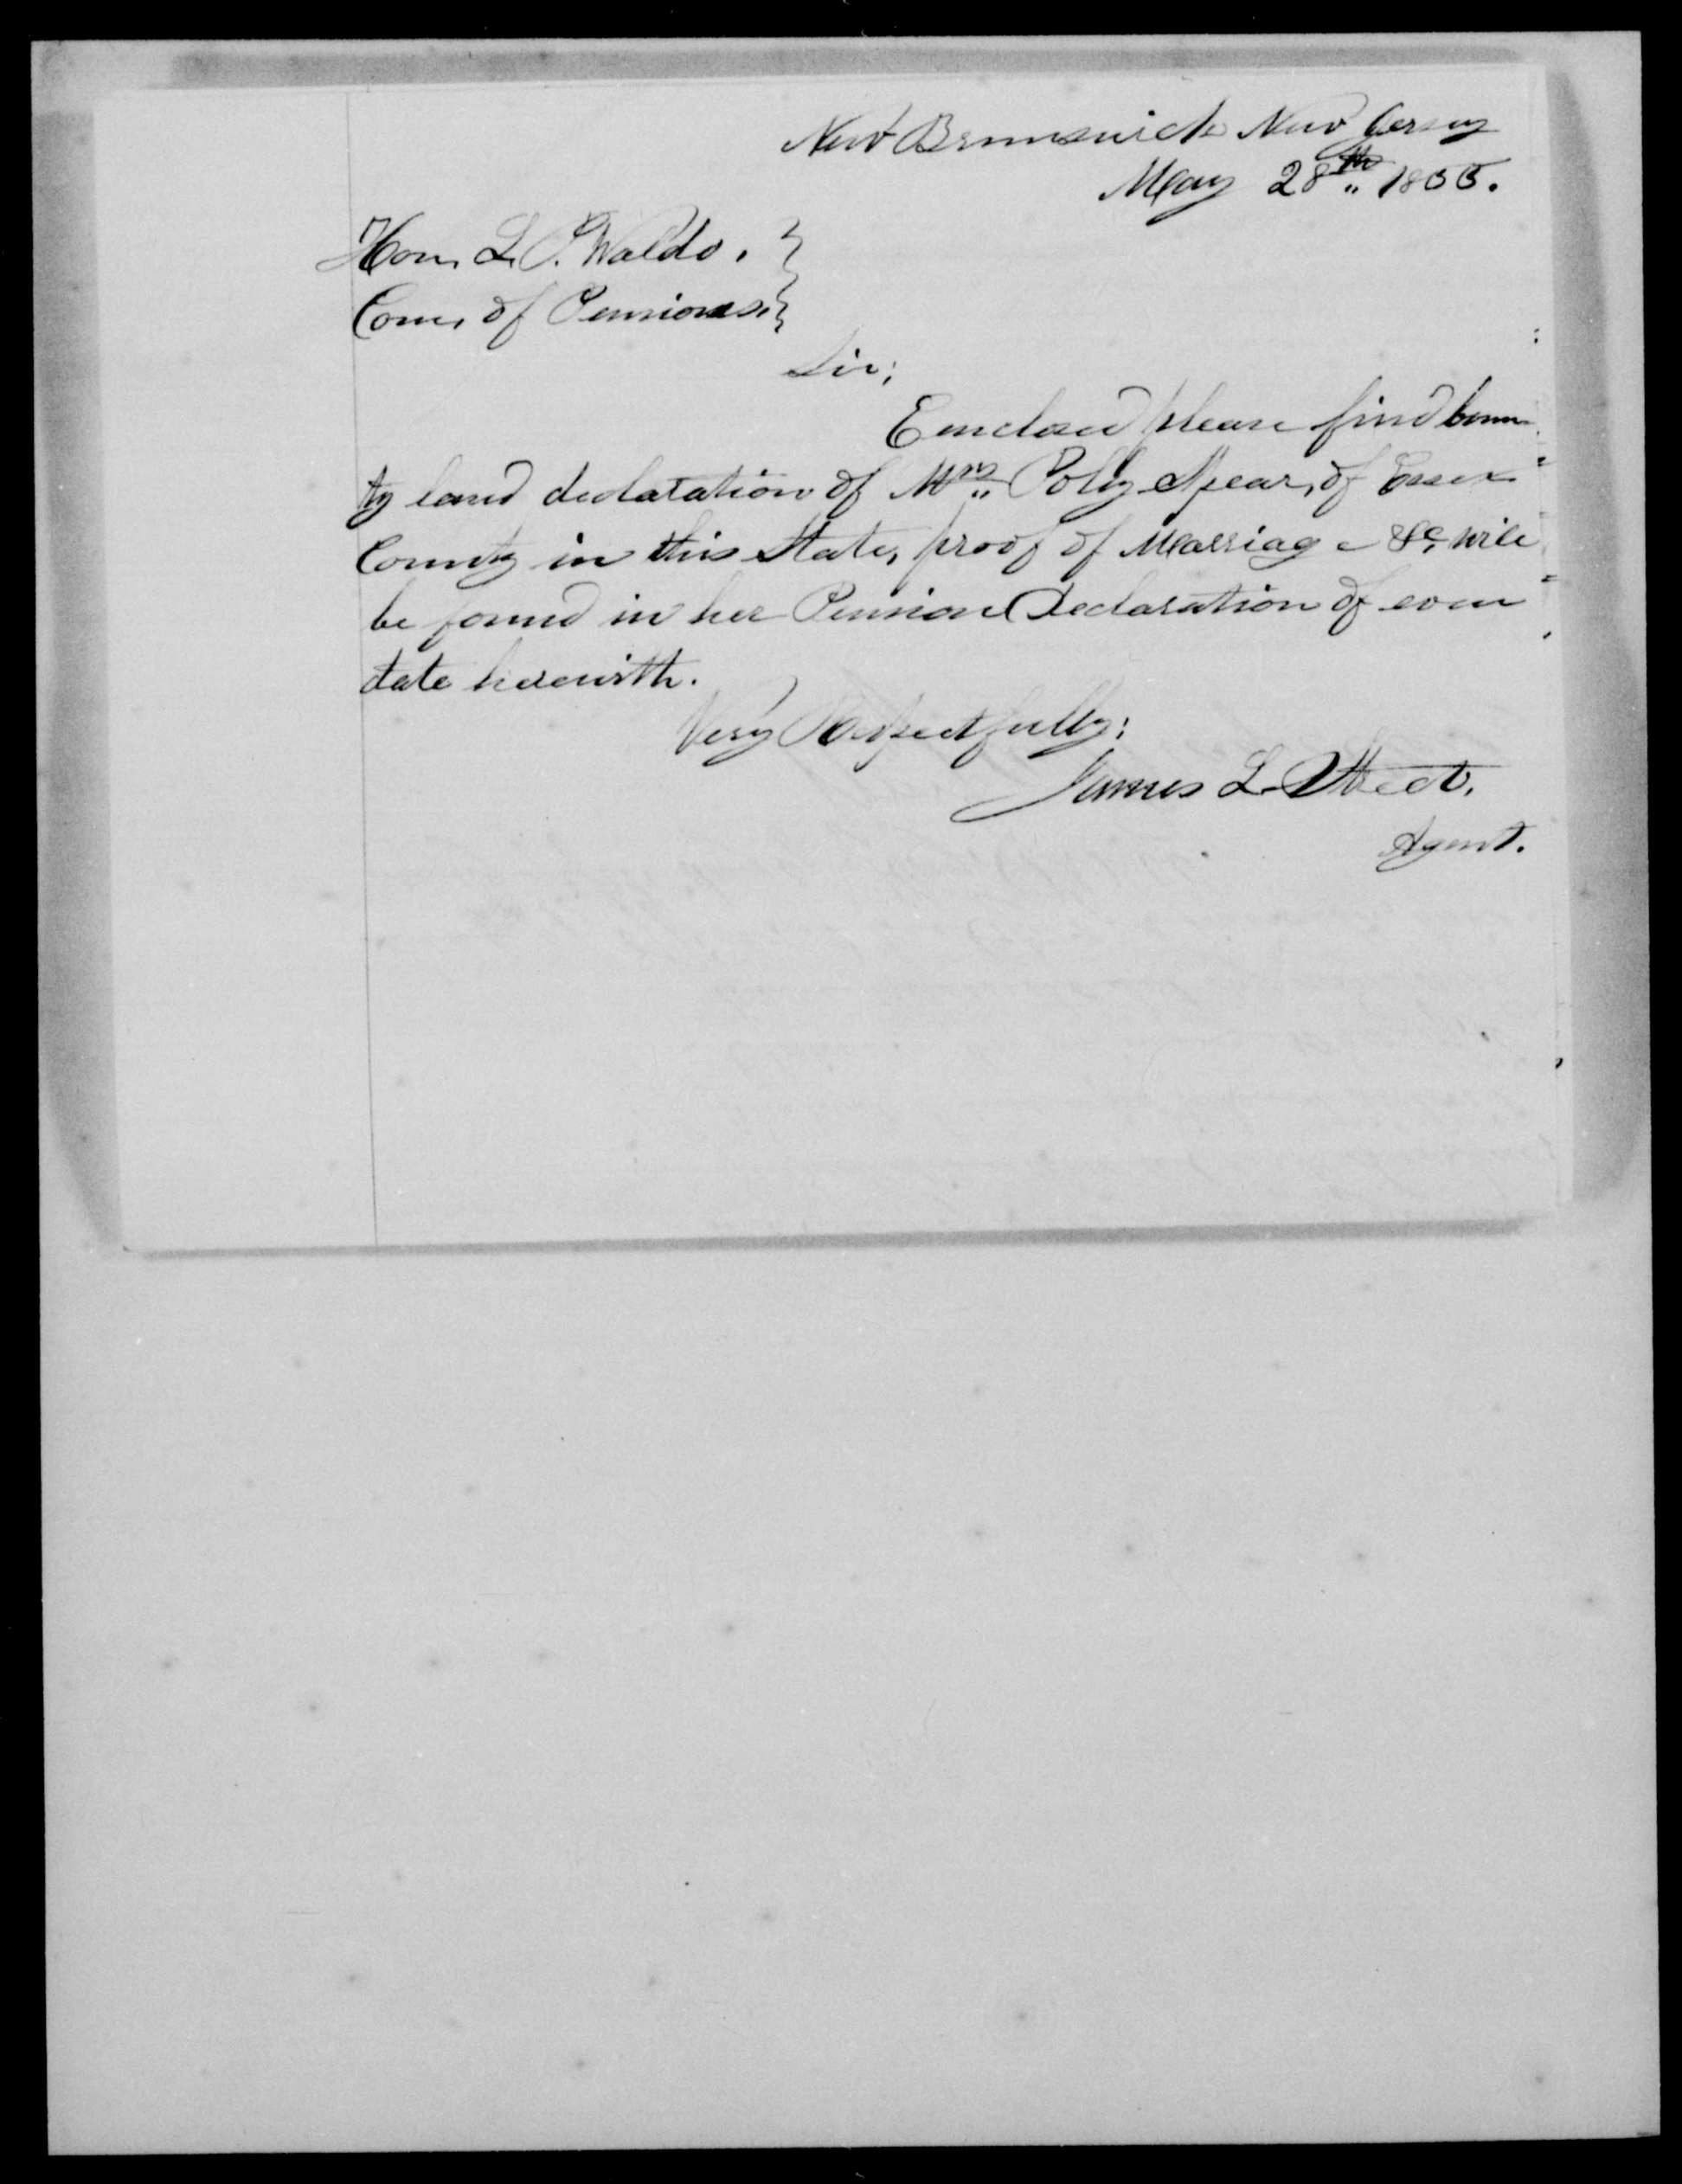New Brunswick New Jersey
May 28th 1853. 
Hon L. Waldo
Coms of Pensions
Sir
Enclosed please find bounty land declaration of Mr Polly Spear of Essex
County in this State, proof of Marriage will be
found in her pension declaration of even
date herewith.
Very Respectfully
James L Street,
Agent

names: L P Waldo; Polly Spear; James L Street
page: 12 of 65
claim: widow's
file: W. 7197, for Jonathan Spear, Vermont